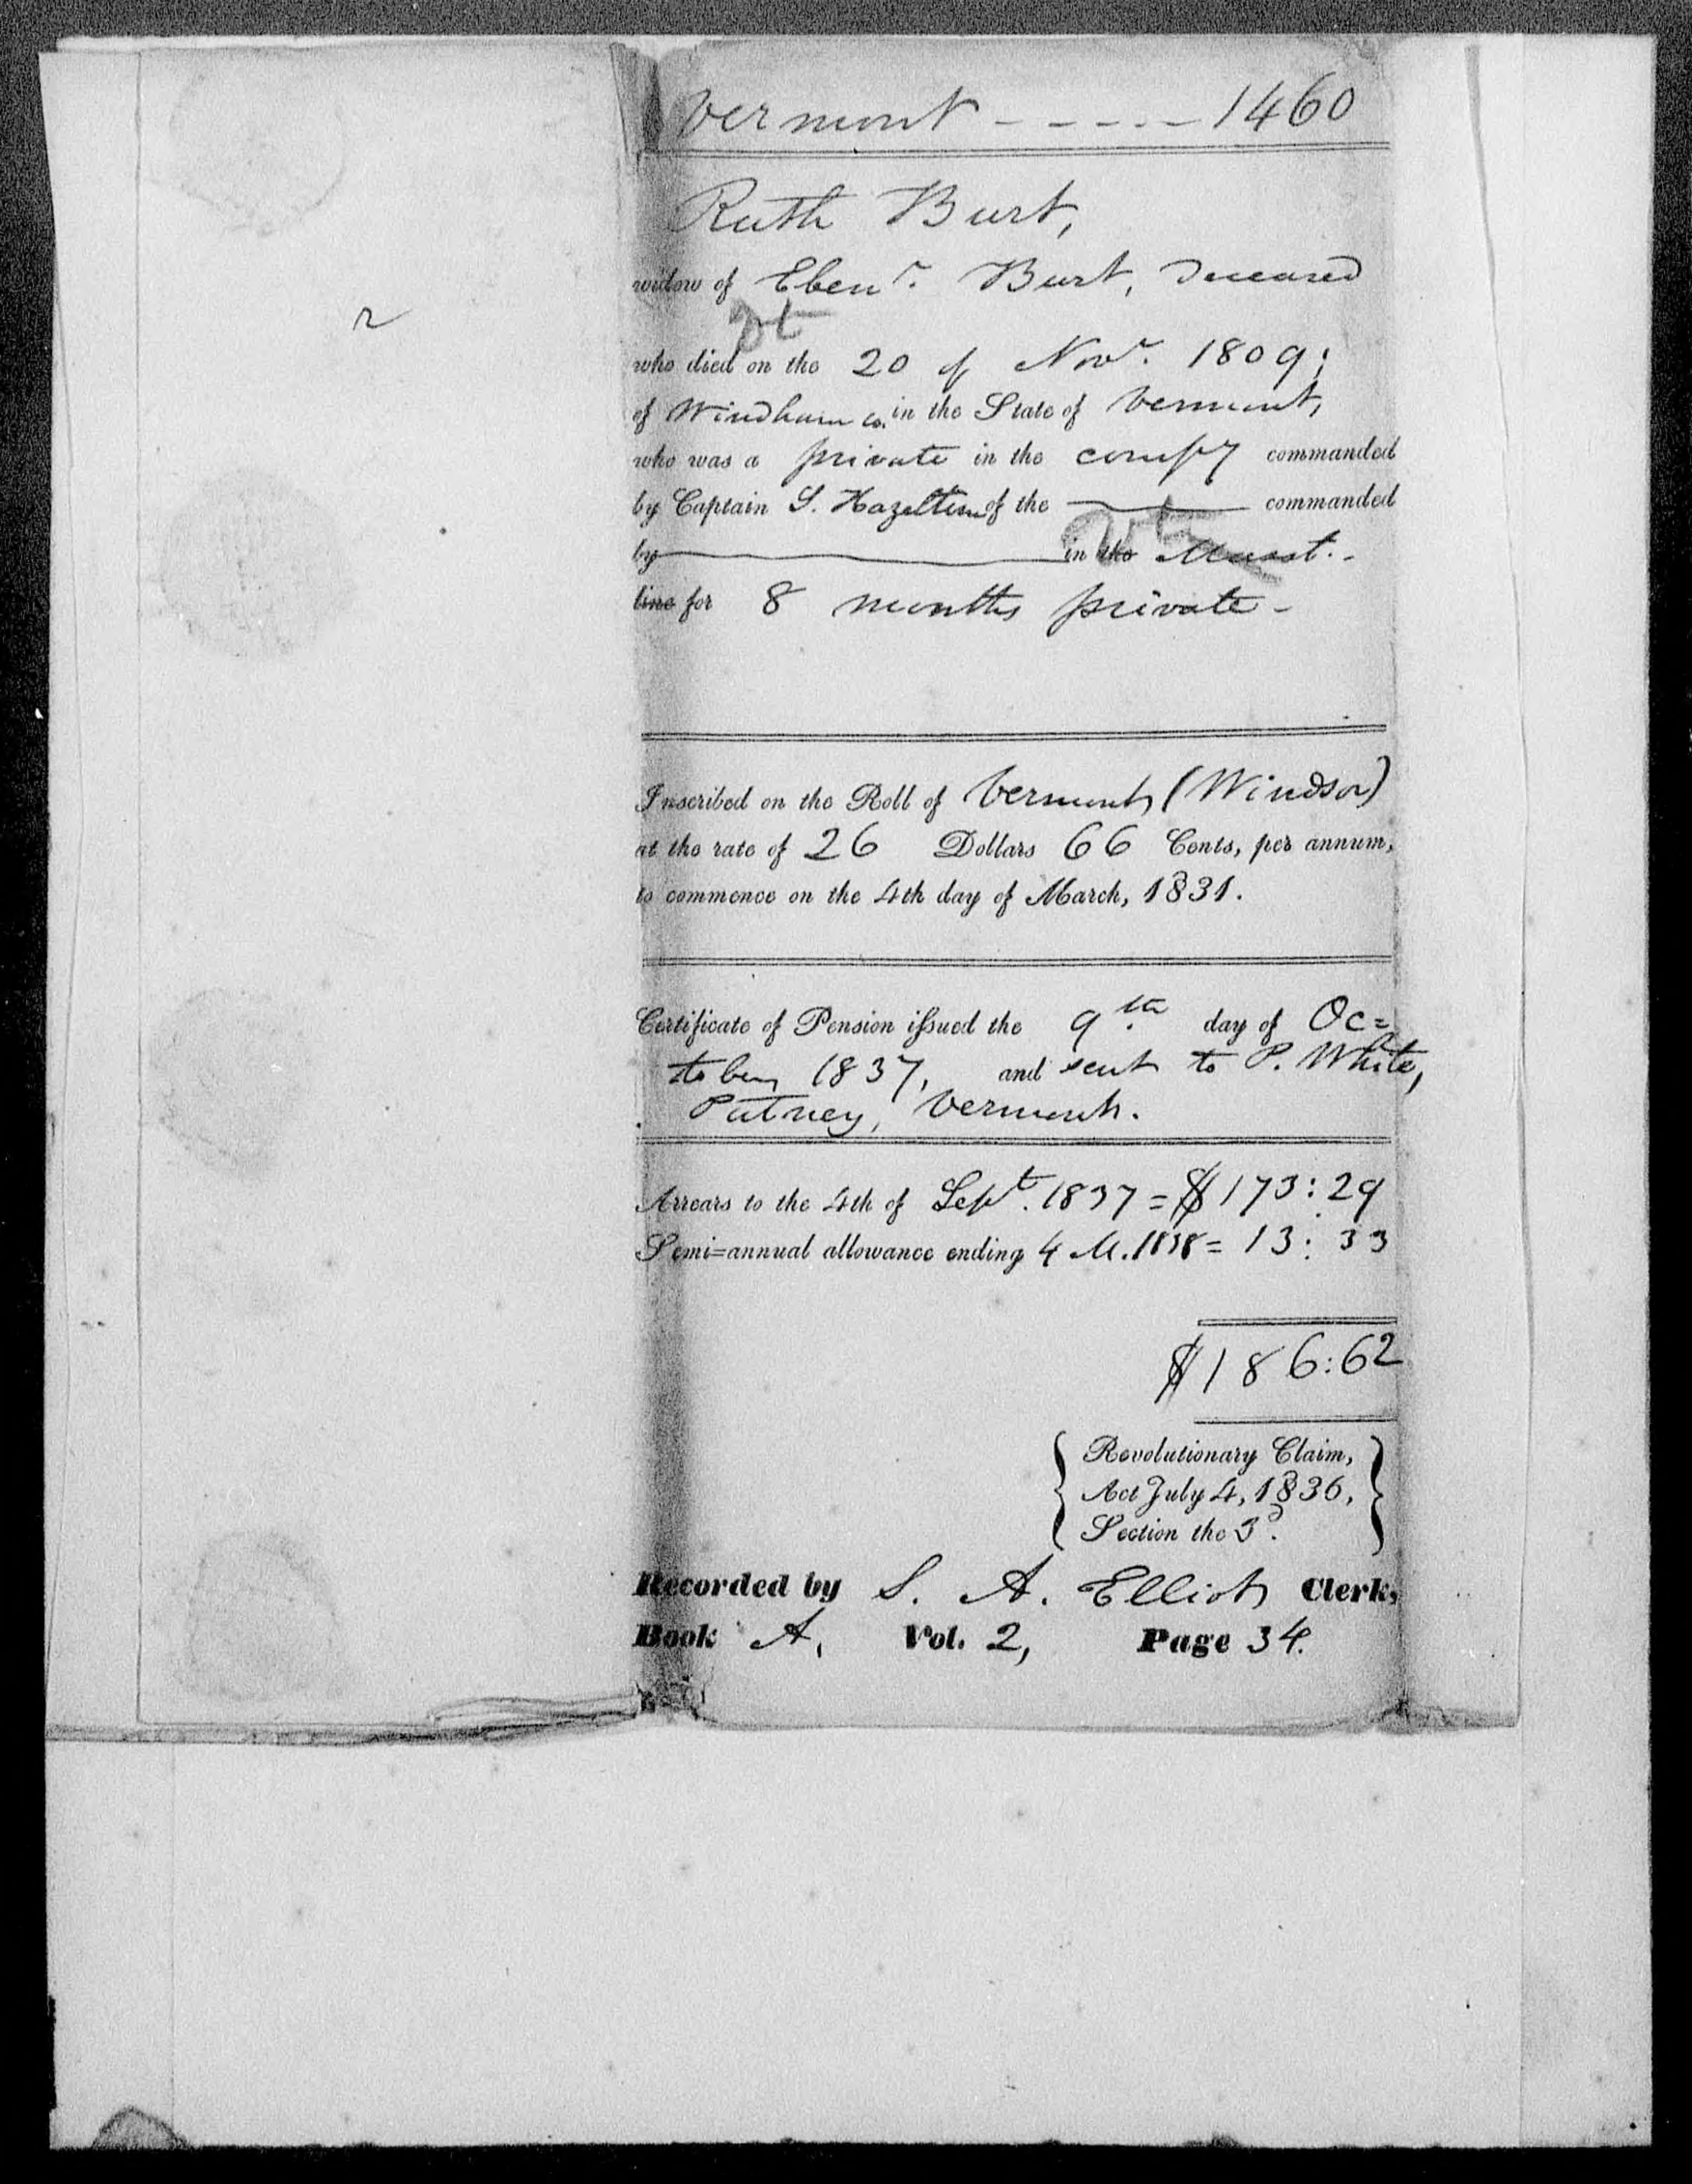Vermont  1460

Ruth Burt, widow of Ebenr. Burt, deceased who died on the 20 of Nov. 1809; of Windham Co in the State of Vermont, who was a private in the company commanded by Captain S Hazeltine of the ----- commanded by ------ in the Masst. line for 8 months private -

Inscribed on the Roll of Vermont (Windsor) at the rate of 26 Dollars 66 Cents, per annum, to commence on the 4th day of March, 1831.

Certificate of Pension issued to 9th day of October 1837, and sent to P. White, Putney, Vermont.

Arrears to the 4th of Sept. 1837 = $173:29
Semi-annual allowance ending 4 M. 1838 = 13:33
$186:62

{Revolutionary Claim, 
Act July 4, 1836,
Section the 3d.}

Recorded by S. A. Elliot Clerk,
Book A. Vol. 2, Page 34.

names: Ruth Burt, S Hazeltine, P White, Ebenr Burt, S A Elliot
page: 2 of 17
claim: widow's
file: W. 20809, Ebenezer Burt, Mass.